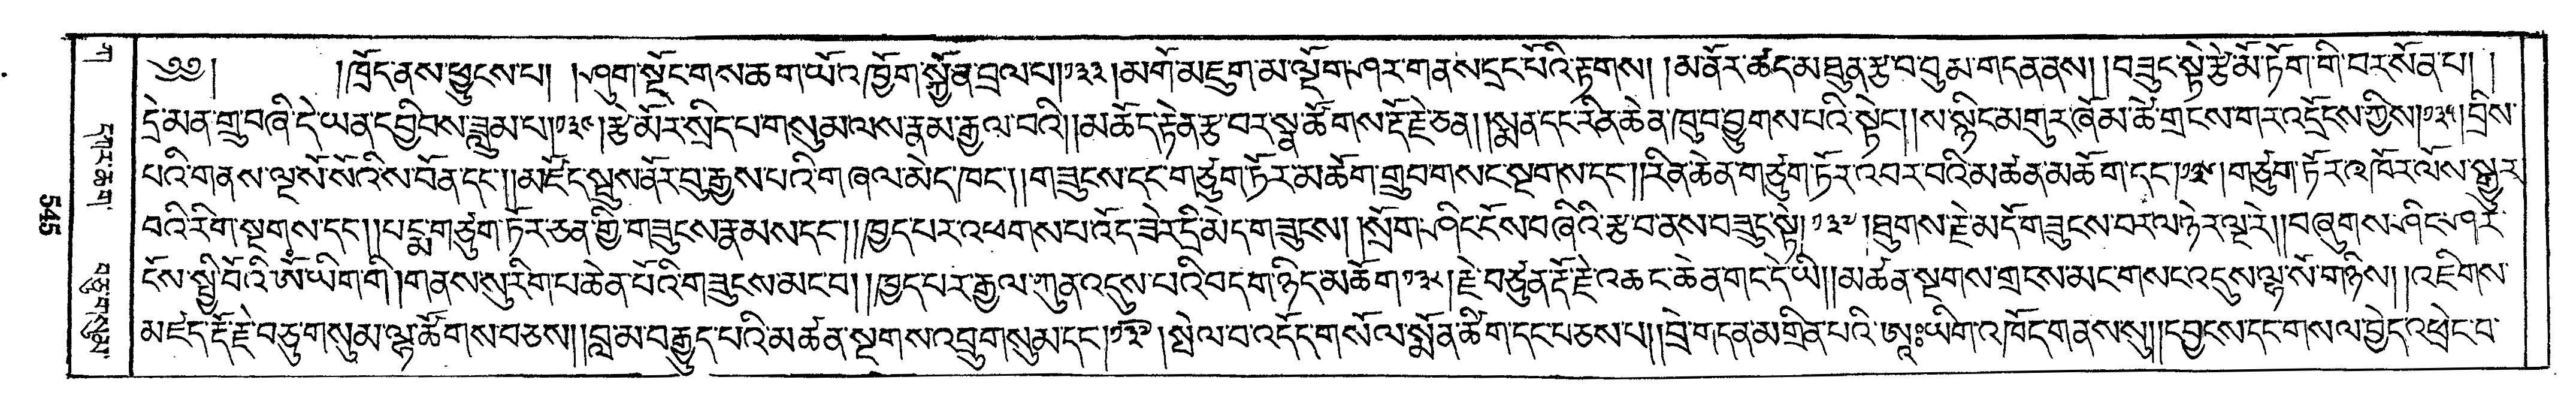༄༅། །ཁྲོད་ནས་ཕྱུངས་པ། །ཤུག་སྡོང་གས་ཆག་ཡོ་འཁྱོག་སྐྱོན་བྲལ་བ། ༡༣༣་།མགོ་མཇུག་མ་ལྡོག་ཤར་གནས་དྲང་པོའི་རྟགས། །མ་ནོར་ཚད་མཐུན་རྩ་བ་བུམ་གདན་ནས། །བཟུང་སྟེ་རྩེ་མོ་ཏོག་གི་བར་སོན་པ།།
བྲེ་མན་གྲུ་བཞི་དེ་ཡན་དབྱིབས་ཟླུམ་པ། ༡༣༤་།རྩེ་མོར་སྲིད་པ་གསུམ་ལས་རྣམ་རྒྱལ་བའི། །མཆོད་རྟེན་རྩ་བར་སྣ་ཚོགས་རྡོ་རྗེ་ཅན། །སྨན་དང་རིན་ཆེན་ཁུ་བ་བྱུགས་པའི་སྟེང་། །ས་སྙིང་མགུར་ཞོ་མཚོ་གྲངས་གར་འདྲོངས་ཀྱིས། ༣༥་།བྲིས་
པའི་གནས་ལྔ་སོ་སོའི་ས་བོན་དང་། །མཛོད་སྤུར་ནོར་བུ་རྒྱས་པའི་གཞལ་མེད་ཁང་། །གཟུངས་དང་གཙུག་ཏོར་མཆོག་གྲུབ་གསང་སྔགས་དང་། །རིན་ཆེན་གཙུག་ཏོར་འབར་བའི་མཚན་མཆོག་དང་། ༡༣༦་།གཙུག་ཏོར་འཁོར་ལོས་སྒྱུར་
བའི་རིག་སྔགས་དང་། །པདམ་གཙུག་ཏོར་ཅན་གྱི་གཟུངས་རྣམས་དང་། །ཁྱད་པར་འཕགས་པ་འོད་ཟེར་དྲི་མེད་གཟུངས། །སྲོག་ཤིང་ངོས་བཞིའི་རྩ་བ་ནས་བཟུང་སྟེ། ༡༣༧་།ཐུགས་རྗེ་མདོ་གཟུངས་བར་ལ་ཉེར་ལྔ་རེ། །བཞུགས་ཤིང་ཤར་
ངོས་སྤྱི་བོའི་ཨོཾ་ཡིག་གི། །གནས་སུ་རིག་པ་ཆེན་པོའི་གཟུངས་མང་བ། །ཁྱད་པར་རྒྱལ་ཀུན་འདུས་པའི་བདག་ཉིད་མཆོག ༡༣༨་།རྗེ་བཙུན་རྡོ་རྗེ་འཆང་ཆེན་གང་དེ་ཡི། །མཚན་སྔགས་གྲངས་མང་གསང་འདུས་ལྷ་སོ་གཉིས། །འཇིགས་
མཛད་རྡོ་རྗེ་བཅུ་གསུམ་ལྷ་ཚོགས་བཅས། །བླ་མ་བརྒྱུད་པའི་མཚན་སྔགས་འབྲུ་གསུམ་དང་། ༡༣༧་།སྤེལ་བ་འདོད་གསོལ་སྨོན་ཚིག་དང་བཅས་པ། །བྲེ་གདན་མགྲིན་པའི་ཨཱཿ ཡིག་འཁོད་གནས་སུ། །དབྱངས་དང་གསལ་བྱེད་འཕྲེང་བ་